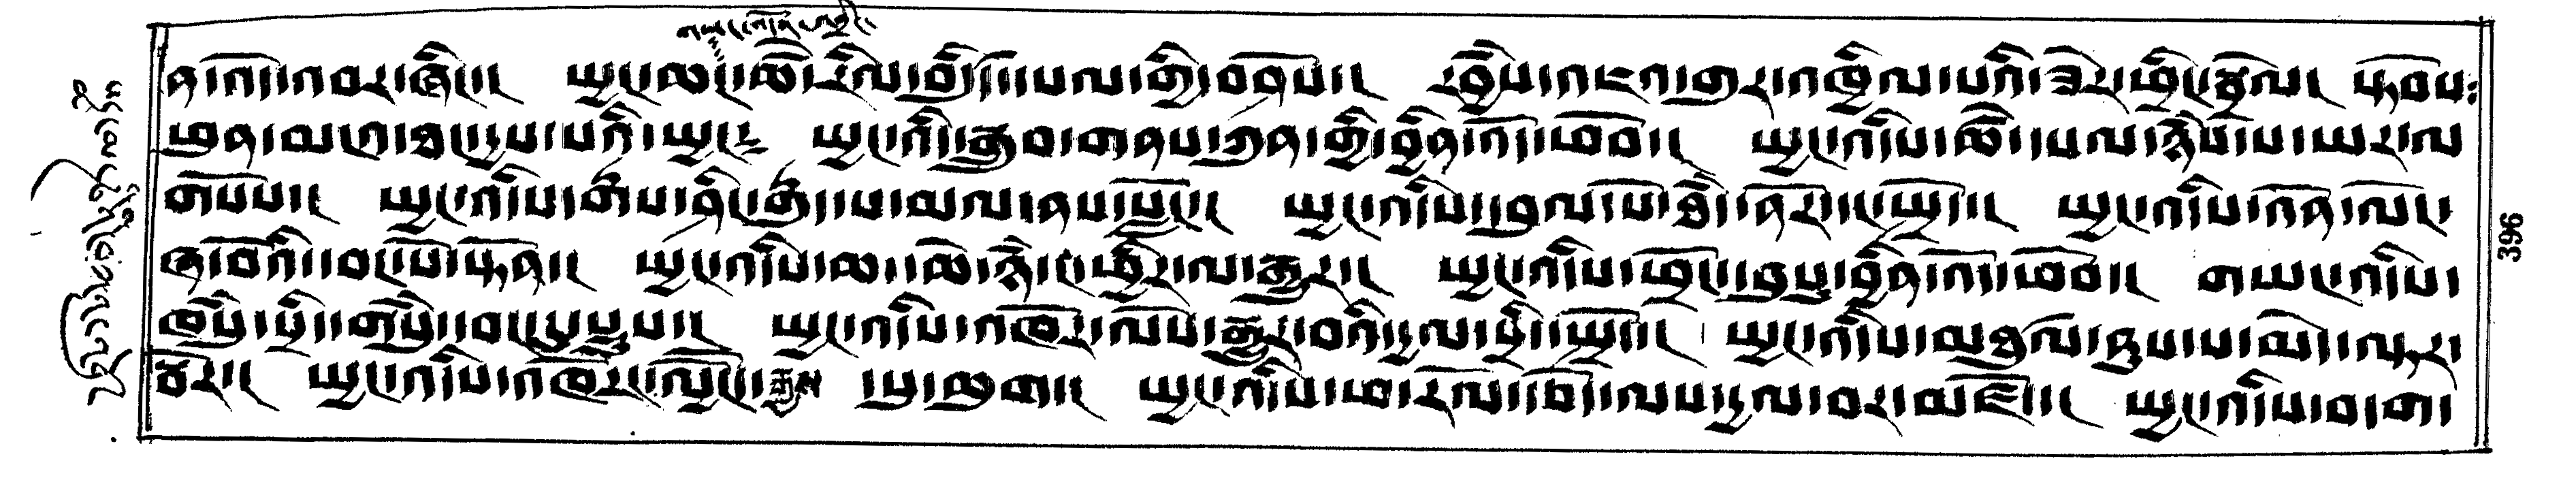ན་འོད་འབར་ཞིང་། གཡང་ཆང་ཚེ་རིལ་བདུད་རྩི་དཔལ་གྱི་བཤོས། །རབ་འབྱམས་འཇའ་གུར་འཁྱིལ་པའི་ཟེར་ཕྲེང་སྦྲེལ། །སྟོབས་
ཕུན་མངའ་ཐང་རྒྱས་པའི་གཡང༴ གཡང་འདིས་སྒྲུབ་གནས་ཀུན་ཀྱི་བྱིན་འོད་ཕོབ། །གཡང་འདིས་ཚེ་དཔལ་ཉམས་པ་ཡར་ལ་
གསོས། །གཡང་འདིས་རྒས་ཤིང་རྒུད་པ་མལ་ནས་སློངས། །གཡང་འདིས་དབུལ་པོ་ཐམས་ཅད་ནོར་དང་སྤྲོད། །གཡང་འདིས་འོན་ལོང་
ཞ་བོའི་དབང་པོ་སྟོན། །གཡང་འདིས་ཆ་ཆེ་ཉམ་ང་ཕྱིར་ལ་སྒྱུར། །གཡང་འདིས་ཕོ་བྲང་དབུས་སུ་བྱིན་འོད་ཕོབ། །གཡང་འདིས་
ཁམས་སུ་སྲིད་གསུམ་དབང་དུ་སྡུས། གཡང་འདིས་འཁོར་ལོས་སྒྱུར་བའི་རྒྱལ་སྲིད་སྤྲོད། །གཡང་འདིས་མཐུ་རྩལ་ནུས་པ་མེད་ལྟར་
སྦོར། །གཡང་འདིས་འཁོར་དང་ལོངས་སྤྱོད་རྒྱས་སུ་ཆུག །གཡང་འདིས་ཕ་རོལ་རྩོད་ལས་རྒྱལ་བར་མཛོད། །གཡང་འདིས་བདག་